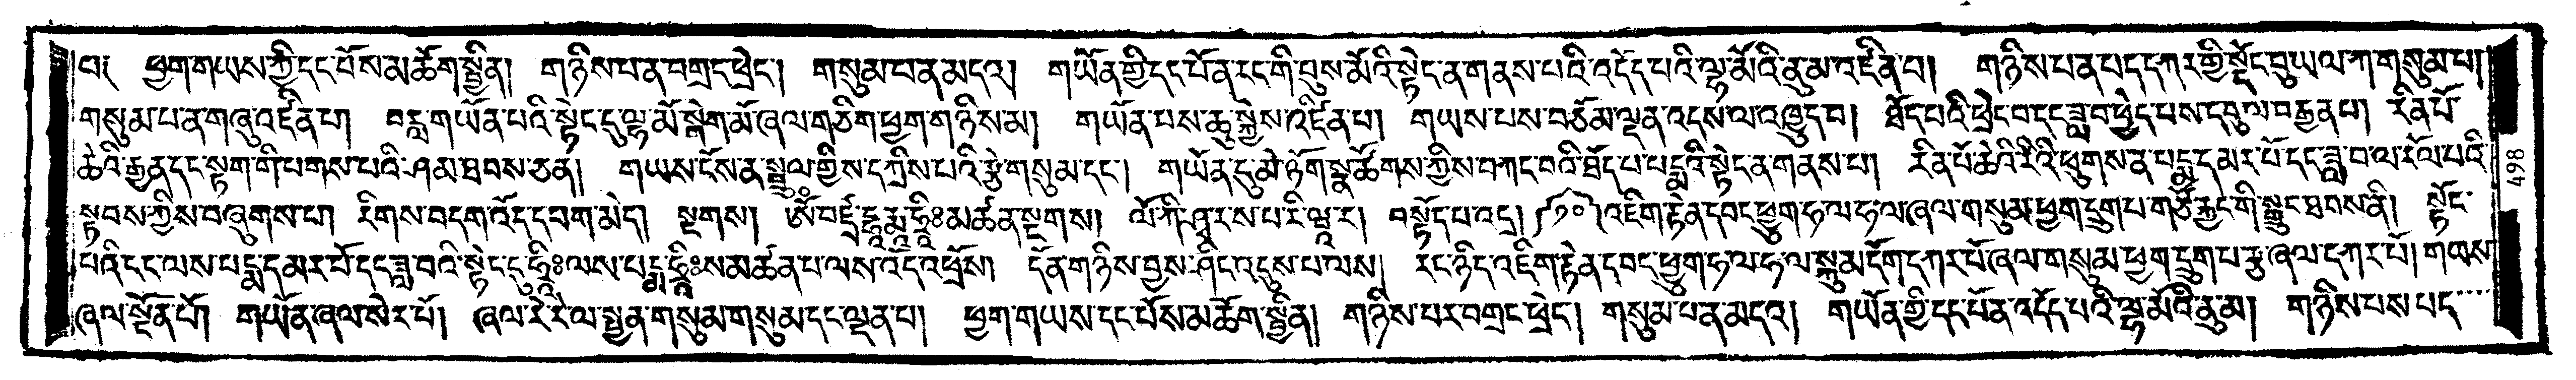བ༑ ཕྱག་གཡས་ཀྱི་དང་པོས་མཆོག་སྦྱིན། གཉིས་པ་ན་བགྲད་ཕྲེང་། གསུམ་བ་ན་མདའ། གཡོན་གྱི་དང་པོ་ན་རང་གི་པུས་མོའི་སྟེང་ན་གནས་པའི་འདོད་པའི་ལྷ་མོའི་ནུ་མ་འཛིན་པ། གཉིས་པ་ན་པད་དཀར་གྱི་སྡོང་བུ་ཡལ་ཀ་གསུམ་པ།
གསུམ་པ་ན་གཞུ་འཛིན་པ། བརླ་གཡོན་པའི་སྟེང་དུ་ལྷ་མོ་སྒེག་མོ་ཞལ་གཅིག་ཕྱག་གཉིས་མ། གཡོན་པས་ཆུ་སྐྱེས་འཛིན་པ། གཡས་པས་བཅོམ་ལྡན་འདས་ལ་འཁྱུད་བ། ཐོད་བའི་ཕྲེང་བ་དང་ཟླ་བ་ཕྱེད་པས་དབུལ་བརྒྱན་པ། རིན་པོ་
ཆེའི་རྒྱན་དང་སྟག་གི་པགས་པའི་ཤམ་ཐབས་ཅན། གཡས་ངོས་ན་སྦྲུལ་གྱིས་དཀྲིས་པའི་རྩེ་གསུམ་དང་། གཡོན་དུ་མེ་ཉོག་སྣ་ཚོགས་ཀྱིས་བཀང་བའི་ཐོད་པ་པདམའི་སྟེང་ན་གནས་པ། རིན་པོ་ཆེའི་རིའི་ཕུགས་ན་པདམ་དམར་པོ་དང་ཟླ་བ་ལ་རོལ་པའི་
སྟབས་ཀྱིས་བཞུགས་པ། རིགས་བདག་འོད་དཔག་མེད། སྔགས། ཨོཾ་བཛྲ་དྷཱརྨཱ་ཧྲཱིཿམཚན་སྔགས། ལོ་ཀི་ཤྭ་ར་ས་པ་རི་ཝཱ་ར། བསྟོད་པ་འདྲ། ༡༠?་འཇིག་རྟེན་དབང་ཕྱུག་ཧ་ལ་ཧ་ལ་ཞལ་གསུམ་ཕྱག་དྲུག་པ་གཙོ་རྐྱང་གི་སྒྲུབ་ཐབས་ནི། སྟོང་
པའི་ངང་ལས་པདམ་དམར་པོ་དང་ཟླ་བའི་སྟེང་དུ་ཧྲཱིཿ ལས་པདམ་ཧྲཱིཿས་མཚན་པ་ལས་འོད་འཕྲོས། དོན་གཉིས་བྱས་ཤིང་འདུས་པ་ལས། རང་ཉིད་འཇིག་རྟེན་དབང་ཕྱུག་ཧ་ལ་ཧ་ལ་སྐུ་མདོག་དཀར་པོ་ཞལ་གསུམ་ཕྱག་དྲུག་པ་རྩ་ཞལ་དཀར་པོ། གཡས་
ཞལ་སྔོན་པོ། གཡོན་ཞལ་སེར་པོ། ཞལ་རེ་རེ་ལ་སྤྱན་གསུམ་གསུམ་དང་ལྡན་པ། ཕྱག་གཡས་དང་པོས་མཆོག་སྦྱིན། གཉིས་པར་བགྲང་ཕྲེང་། གསུམ་པ་ན་མདའ། གཡོན་གྱི་དང་པོ་ན་འདོད་པའི་ལྷ་མོའི་ནུ་མ། གཉིས་པས་པད་